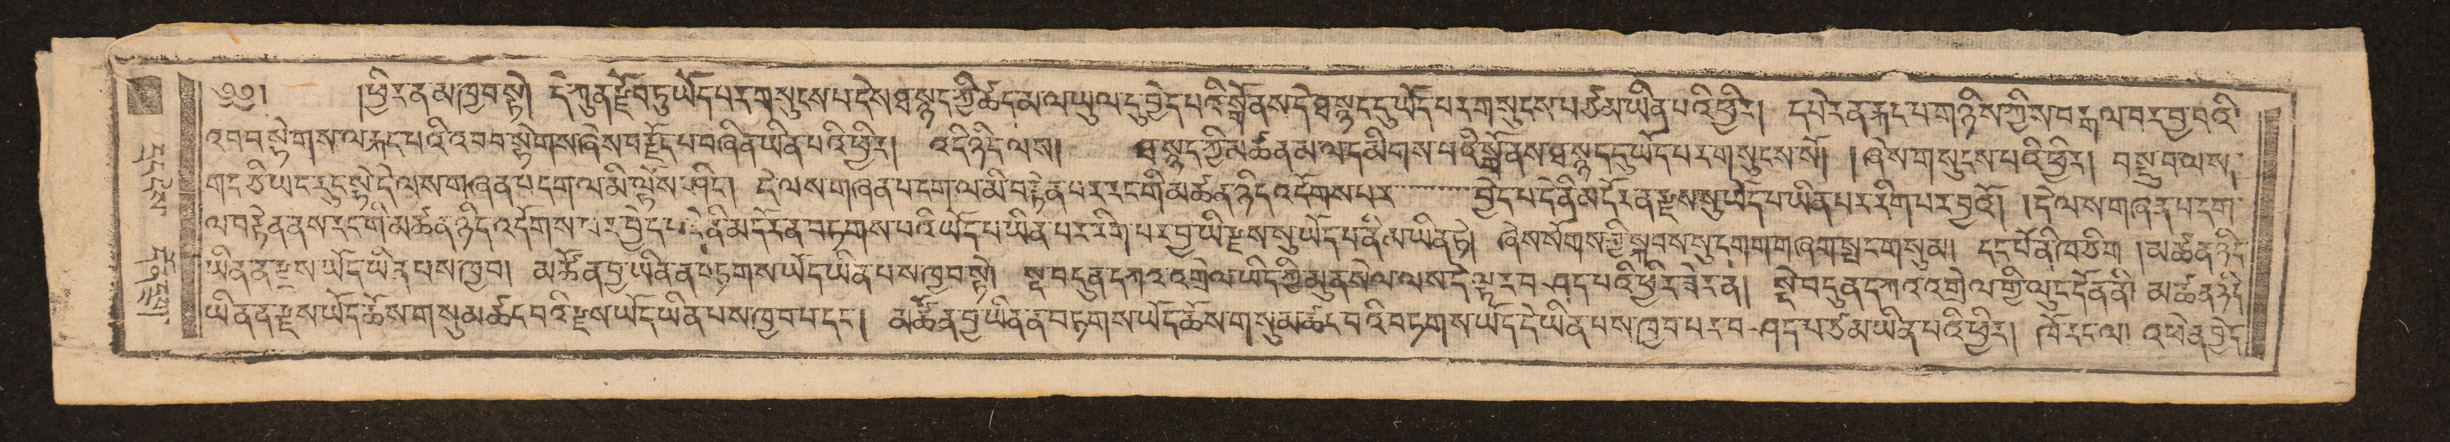༄༅། །ཕྱིར་ན་མ་ཁྱབ་སྟེ། དེ་ཀུན་རྫོབ་ཏུ་ཡོད་པར་གསུངས་པ་དེས་ཐ་སྙད་ཀྱི་ཚད་མ་ལ་ཡུལ་དུ་བྱེད་པའི་སྒོ་ནས་དེ་ཐ་སྙད་དུ་ཡོད་པར་གསུངས་པ་ཙམ་ཡིན་པའི་ཕྱིར། དཔེར་ན་རྐང་པ་གཉིས་ཀྱིས་བརྒལ་བར་བྱ་བའི་
འབབ་སྟེགས་ལ་རྐང་པའི་འབབ་སྟེགས་ཞེས་བརྗོད་པ་བཞིན་ཡིན་པའི་ཕྱིར། འདི་ཉིད་ལས། ཐ་སྙད་ཀྱི་མཚན་མ་ལ་དམིགས་པའི་སྒོ་ནས་ཐ་སྙད་དུ་ཡོད་པར་གསུངས་སོ། །ཞེས་གསུངས་པའི་ཕྱིར། བསྡུ་བ་ལས།
གང་ཅི་ཡང་རུང་སྟེ་དེ་ལས་གཞན་བདག་ལ་མི་ལྟོས་ཤིང་། དེ་ལས་གཞན་པ་དག་ལ་མི་བརྟེན་པར་རང་གི་མཚན་ཉིད་འདོགས་པར་བྱེད་པ་དེ་ནི་མདོར་ན་རྫས་སུ་ཡོད་པ་ཡིན་པར་རིག་པར་བྱའོ། །དེ་ལས་གཞན་པ་དག་
ལ་བརྟེན་ནས་རང་གི་མཚན་ཉིད་འདོགས་པར་བྱེད་པ་དེ་ནི་མདོར་ན་བཏགས་པའི་ཡོད་པ་ཡིན་པར་རིག་པར་བྱ་ཡི་རྫས་སུ་ཡོད་པ་ནི་མ་ཡིན་ཏེ། ཞེས་སོགས་ཀྱི་སྐབས་སུ་དགག་གཞག་སྤང་གསུམ། དང་པོ་ནི་ཁ་ཅིག །མཚན་ཉིད་
ཡིན་ན་རྫས་ཡོད་ཡིན་པས་ཁྱབ། མཚོན་བྱ་ཡིན་ན་བཏགས་ཡོད་ཡིན་པས་ཁྱབ་སྟེ། སྡེ་བདུན་དཀའ་འགྲེལ་ཡིད་ཀྱི་མུན་སེལ་ལས་དེ་ལྟར་བཤད་པའི་ཕྱིར་ཟེར་ན། སྡེ་བདུན་དཀའ་འགྲེལ་གྱི་ལུང་དོན་ནི། མཚན་ཉིད་
ཡིན་ན་རྫས་ཡོད་ཆོས་གསུམ་ཚང་བའི་རྫས་ཡོད་ཡིན་པས་ཁྱབ་པ་དང་། མཚོན་བྱ་ཡིན་ན་བཏགས་ཡོད་ཆོས་གསུམ་ཚང་བའི་བཏགས་ཡོད་དེ་ཡིན་པས་ཁྱབ་པར་བཤད་པ་ཙམ་ཡིན་པའི་ཕྱིར། ཁོ་རང་ལ། འཕེན་བྱེད་